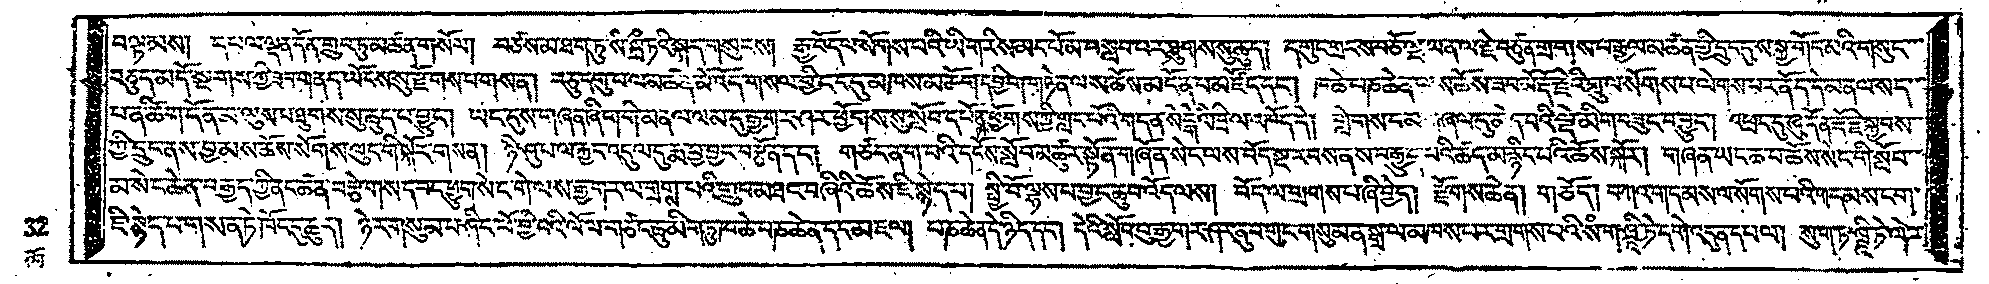བལྟམས། དཔལ་ལྡན་དོན་གྲུབ་ཏུ་མཚན་གསོལ། བཙས་མ་ཐག་ཏུ་སཾ་སྐྲྀ་ཏའི་སྐད་གསུངས། རྒྱ་བོད་ལ་སོགས་པའི་ཡིག་རིས་མང་པོ་མ་བསླབ་པར་ཐུགས་སུ་ཆུད། དགུང་གྲངས་བཅོ་ལྔ་ཡན་ལ་རྗེ་བཙུན་གྲགས་པ་རྒྱལ་མཚན་གྱི་དྲུང་དུས་སྐྱ་གོང་མའི་གསུང་
བཅུད་མདོ་སྔགས་ཀྱི་ཟབ་གནད་ཡོངས་སུ་རྫོགས་པ་གསན། བཅུ་དགུ་པ་ལ་མཚན་མོ་འོད་གསལ་གྱི་ངང་དུ་མཁས་མཆོག་དབྱིག་གཉེན་ལས་ཆོས་མངོན་པ་མཛོད་དང་། ཁ་ཆེ་པཎ་ཆེན་ལས་ཆོས་ཟབ་མོ་རྡོ་རྗེའི་གླུ་ལ་སོགས་པ་ལེགས་པར་ནོད་དེ་མནལ་སད་
པ་ན་ཚིག་དོན་མ་ལུས་པ་ཐུགས་སུ་ཆུད་པ་བྱུང་། ཡང་དུས་གཞན་ཞིག་གི་མནལ་ལམ་དུ་རྒྱ་གར་ཤར་ཕྱོགས་སུ་སློབ་དཔོན་ཕྱོགས་ཀྱི་གླང་པོའི་གདན་སེངྒེའི་ཁྲི་ལ་འཁོད་དེ། གླེགས་བམ་གཞལ་དུ་མེད་པའི་ལྡེ་མིག་བཟུང་བ་བྱུང་། འཕྲང་དུ་ཞུ་དོན་རྡོ་རྗེ་སྐྱབས་
ཀྱི་དྲུང་ནས་བྱམས་ཆོས་སོགས་ལུང་གི་སྐོར་གསན། ཉི་ཤུ་པ་ལ་རྐྱང་འདུལ་དུ་རྨ་བྱ་བྱང་བརྩོན་དང་། གཙང་ནག་པའི་དངོས་སློབ་མཚུར་སྟོན་གཞོན་སེང་ལས་བོད་སྔ་རབས་ནས་བརྒྱུད་པའི་ཚད་མ་རྙིང་པའི་ཆོས་སྐོར། གཞན་ཡང་ཆ་པ་ཆོས་སེང་གི་སློབ་
མ་སེང་ཆེན་བརྒྱད་ཀྱི་ནང་ཚན་བརྩེགས་དབང་ཕྱུག་སེང་གེ་ལས་རྒྱ་གར་ལ་གྲགས་པའི་གྲུབ་མཐའ་བཞིའི་ཆོས་ཇི་སྙེད་པ། སྤྱི་བོ་ལྷས་པ་བྱང་ཆུབ་འོད་ལས། བོད་ལ་གྲགས་པ་ཞི་བྱེད། རྫོགས་ཆེན། གཅོད། བཀའ་གདམས་ལ་སོགས་པའི་གདམས་ངག་
ཇི་སྙེད་པ་གསན་ཏེ་ཁོང་དུ་ཆུད། ཉེར་གསུམ་པ་ཤིང་ཕོ་བྱི་བའི་ལོ་ལ་གཙང་ཆུ་མིག་ཏུ་ཁ་ཆེ་པཎ་ཆེན་དང་མཇལ། པཎ་ཆེན་དེ་ཉིད་དང་། དེའི་སློབ་བུ་རྒྱ་གར་ཤར་ནུབ་གུང་གསུམ་ན་སྒྲ་ལ་མཁས་པར་གྲགས་པའི་སཾ་ག་ཤྲཱི་ཏེ་དགེ་འདུན་དཔལ། སུ་ག་ཏ་ཤྲཱི་ཏེ་ལེགས་